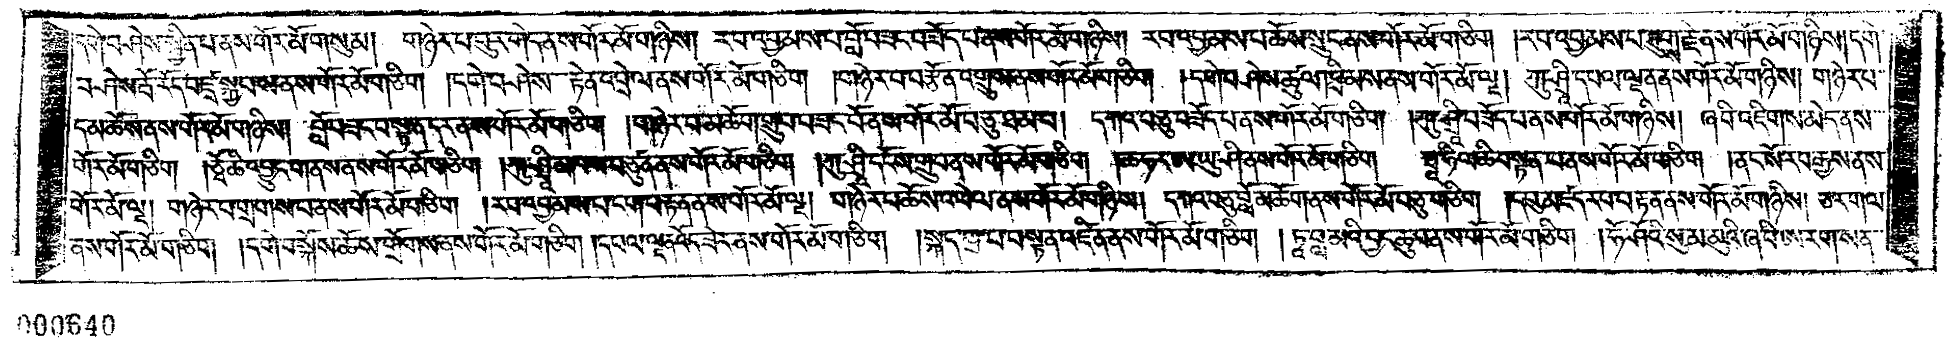དགེ་བཤེས་སྦྱིན་པ་ནས་གོར་མོ་གསུམ། གཉེར་པ་བུར་གེད་ནས་གོར་མོ་གཉིས། རབ་འབྱམས་པ་བློ་བཟང་བཟོད་པ་ནས་གོར་མོ་གཉིས། རབ་འབྱམས་པ་ཆོས་སྲུང་ནས་གོར་མོ་གཅིག །རབ་འབྱམས་པ་ཐུགས་རྗེ་ནས་གོར་མོ་གཉིས། དགེ་
བཤེས་རྦོ་རོད་བཛྲ་སྐྱབས་ནས་གོར་མོ་གཅིག །དགེ་བཤེས་རྟེན་འབྲེལ་ནས་གོར་མོ་གཅིག །གཉེར་པ་བརྩོན་འགྲུས་ནས་གོར་མོ་གཅིག །དགེ་བཤེས་ཚུལ་ཁྲིམས་ནས་གོར་མོ་ལྔ། ཀུ་ཤྲཱི་དཔལ་ལྡན་ནས་གོར་མོ་གཉིས། གཉེར་པ་
དམ་ཆོས་ནས་གོར་མོ་གཉིས། བློ་བཟང་བསྟན་དར་ནས་གོར་མོ་གཅིག །གཉེར་པ་མཆོག་གྲུབ་བཟང་པོ་ནས་གོར་མོ་བཅུ་ཐམ་པ། དཀའ་བཅུ་བཟོད་པ་ནས་གོར་མོ་གཅིག །ཀུ་ཤྲཱི་བཟོད་པ་ནས་གོར་མོ་གཉིས། ཞིབ་འཇིགས་མེད་ནས་
གོར་མོ་གཅིག །ཅྭོ་ཆི་འབྱུང་གནས་ནས་གོར་མོ་གཅིག །ཀུ་ཤྲཱི་མཁས་བཙུན་ནས་གོར་མོ་གཅིག །ཀུ་ཤྲཱི་དངོས་གྲུབ་ནས་གོར་མོ་གཅིག །ཆ་ཧར་ཨ་ཡུ་ཤི་ནས་གོར་མོ་གཅིག །ཐཱ་ཧིལ་ཆི་བསྟན་པ་ནས་གོར་མོ་གཅིག །ནང་སོ་རབ་རྒྱས་ནས་
གོར་མོ་ལྔ། གཉེར་པ་གྲགས་པ་ནས་གོར་མོ་གཅིག །རབ་འབྱམས་པ་ངག་བརྟན་ནས་གོར་མོ་ལྔ། གཉེར་པ་ཆོས་འཕེལ་ནས་གོར་མོ་གཉིས། དཀའ་བཅུ་བློ་མཆོག་ནས་གོར་མོ་བཅུ་གཅིག །དབུ་མཛད་རབ་བརྟན་ནས་གོར་མོ་གཉིས། ཅར་གལ་
ནས་གོར་མོ་གཅིག །དགེ་བསྐོས་ཆོས་གྲོགས་ནས་གོར་མོ་གཅིག །དཔལ་ལྡན་འོད་ཟེར་ནས་གོར་མོ་གཅིག །སྐད་སྒྲ?་པ་བསྟན་འཛིན་ནས་གོར་མོ་གཅིག །ཏཱ་བླ་མའི་བྱང་ཆུབ་ནས་གོར་མོ་གཅིག །ཧོ་ཤོའི་སུམ་མུའི་ཞ་བི་ཨ་རག་སན་